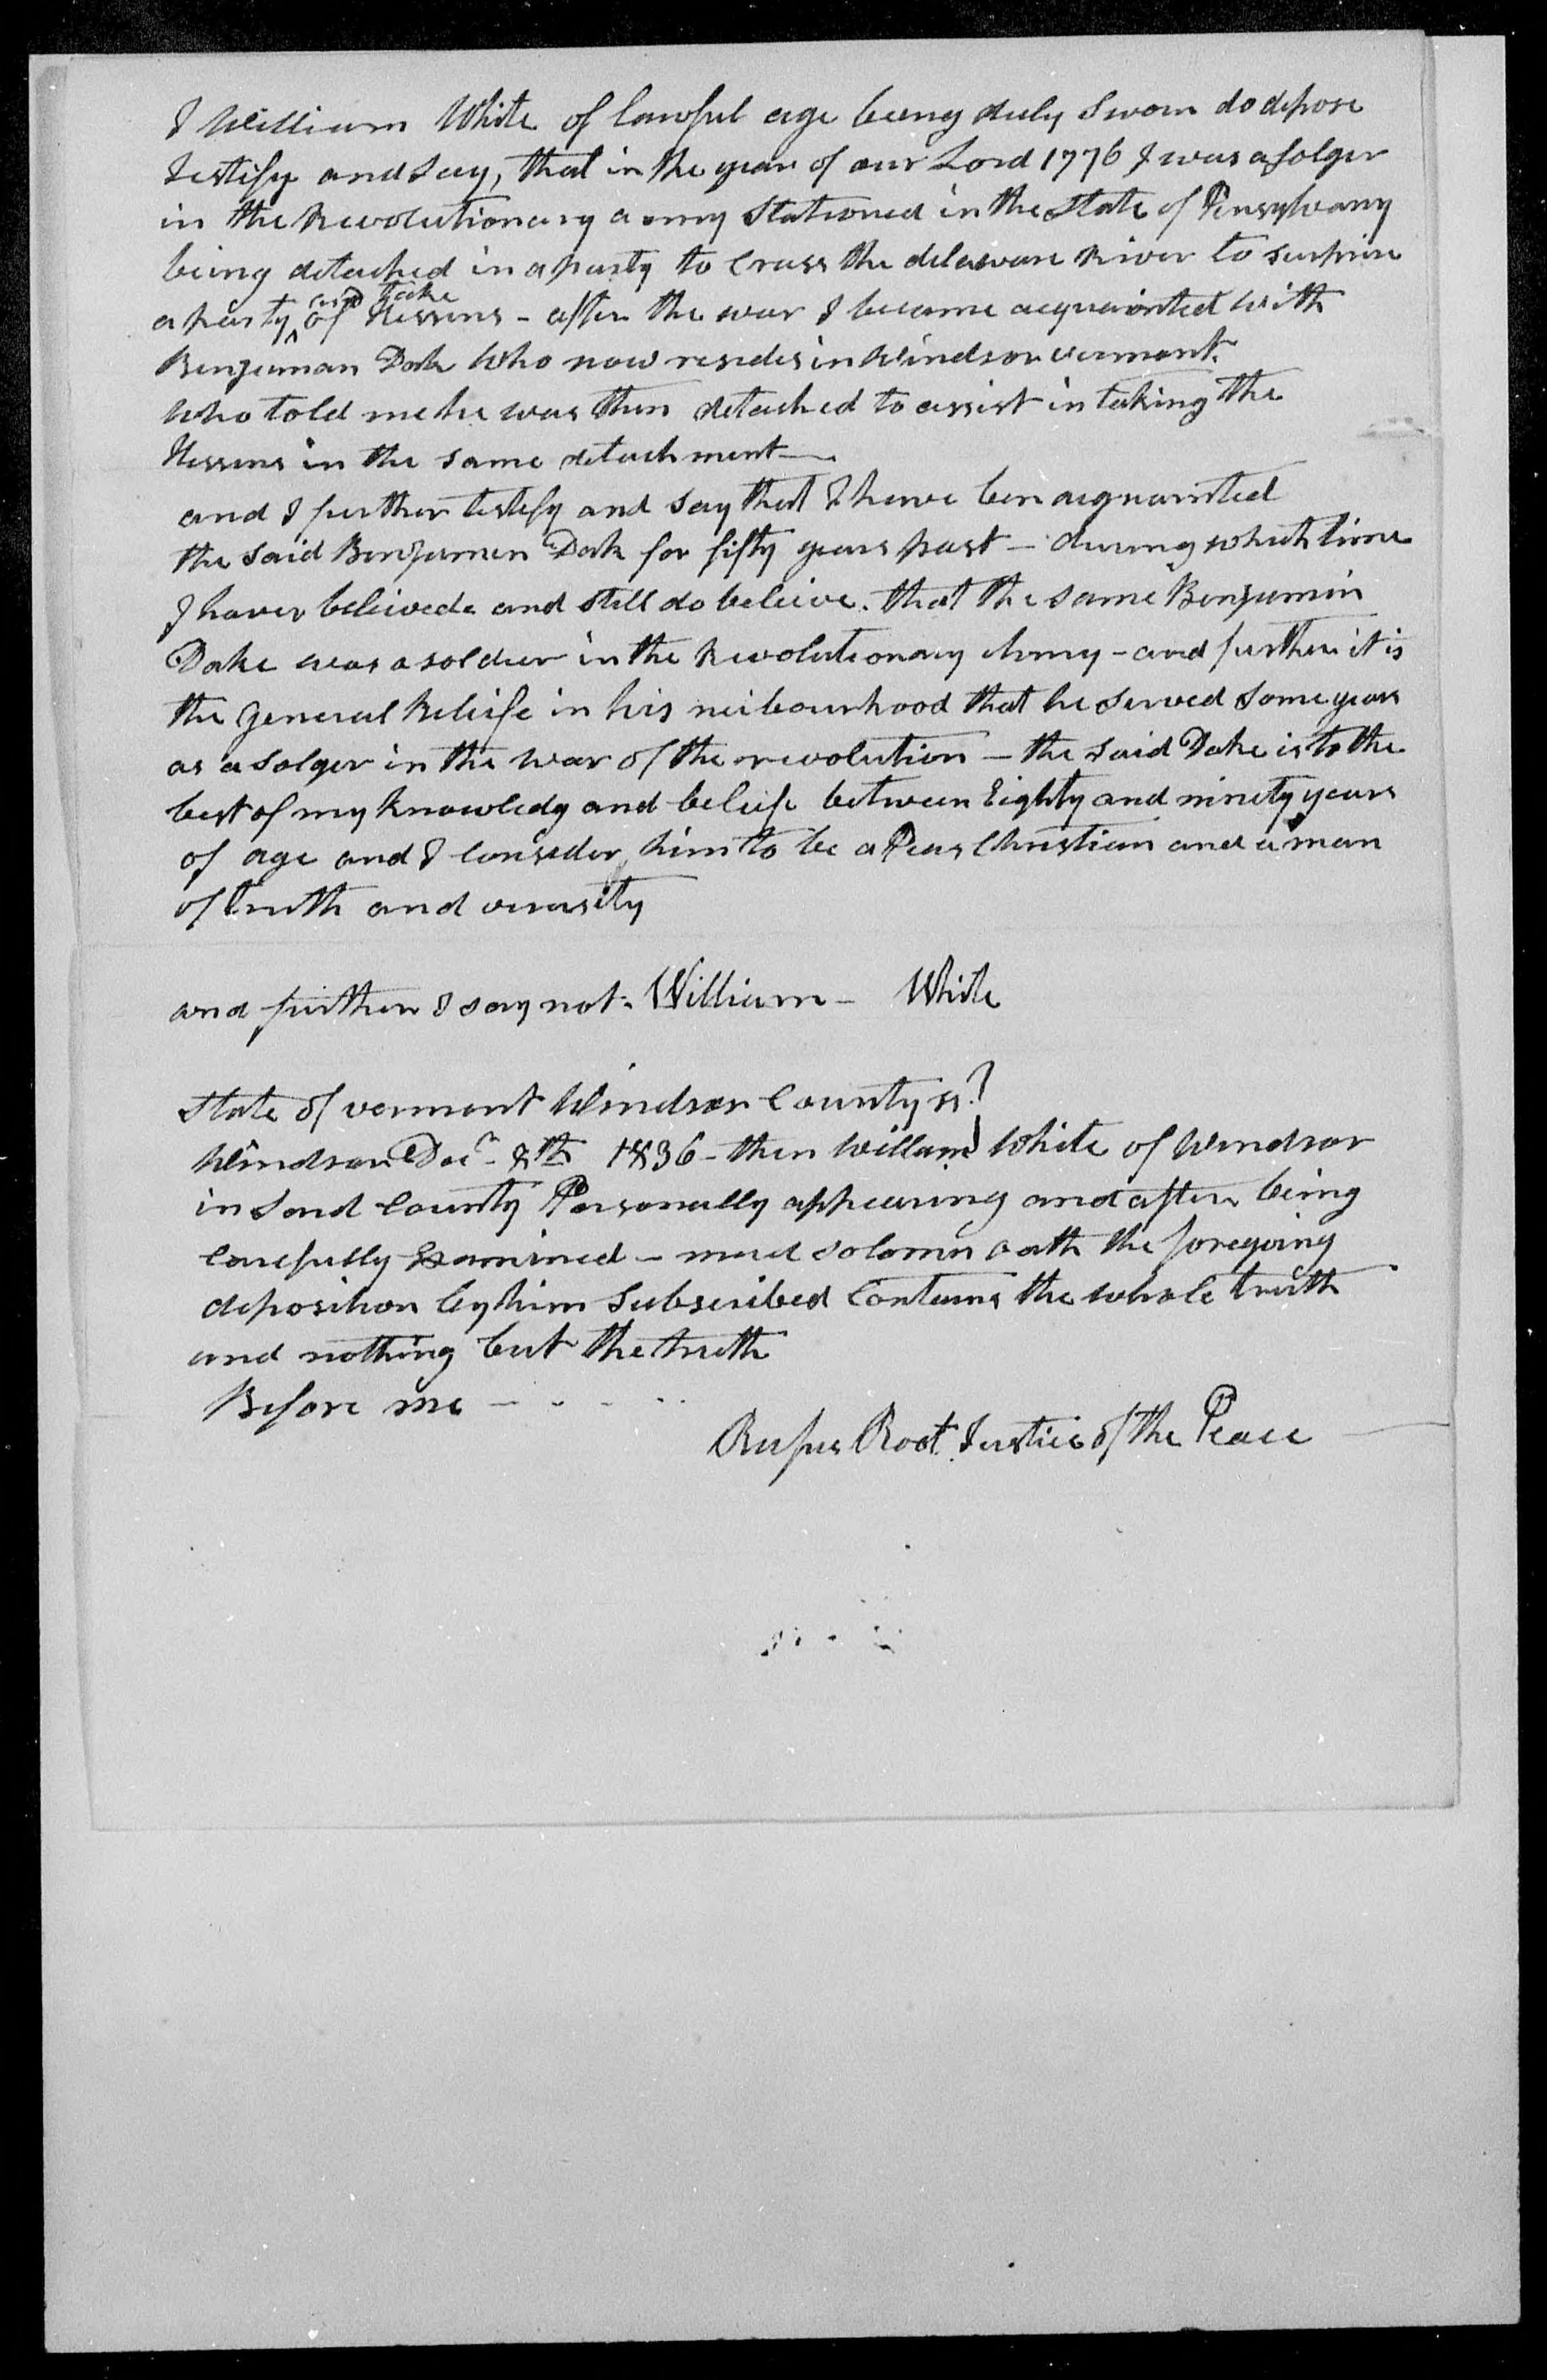I William White of lawful age being duly sworn do depose testify and say that in year of our Lord 1776 I was a solger in the Revolutionary Army stationed in the state of Pensylvania being attached in a party to cross the delaware river to surprise a party [[inserted]] and take [[/insert] of hessians after the war I became acquainted with Benjamin Dake who now resides in Windsor Vermont. Who told me he was then attached to assist in taking the hessians in the same detachment. and I further testify and say that I have been acquainted the said Benjamin Dake for fifty years past during which time I have believed and still do believe that the same Benjamin Dake was a soldier in the Revolutionary Army and further it is the general belief in his neighborhood that he served one year as a solger in the war of the revolution. The said Dake is to the best of my knowledge and belief between eighty and ninety years of age and I consider him to be a pious Christian and a man of truth and veracity and further I say not. William White
State of Vermont Windsor County ss Windsor Dec 8th 1836 then William White of Windsor in said county of personally appearing and after being carefully examined made solemn oath the foregoing deposition by him subscribed contains the whole truth and nothing but the truth Before me Rufus Root Justice of the Peace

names: Benjamin Dork, Benjamin Dork, Benjamin Dake, William White, William White, Rufus Root, William White, Dake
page: 15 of 42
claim: rejected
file: R. 2,625, Benjamin Dake, R.I.